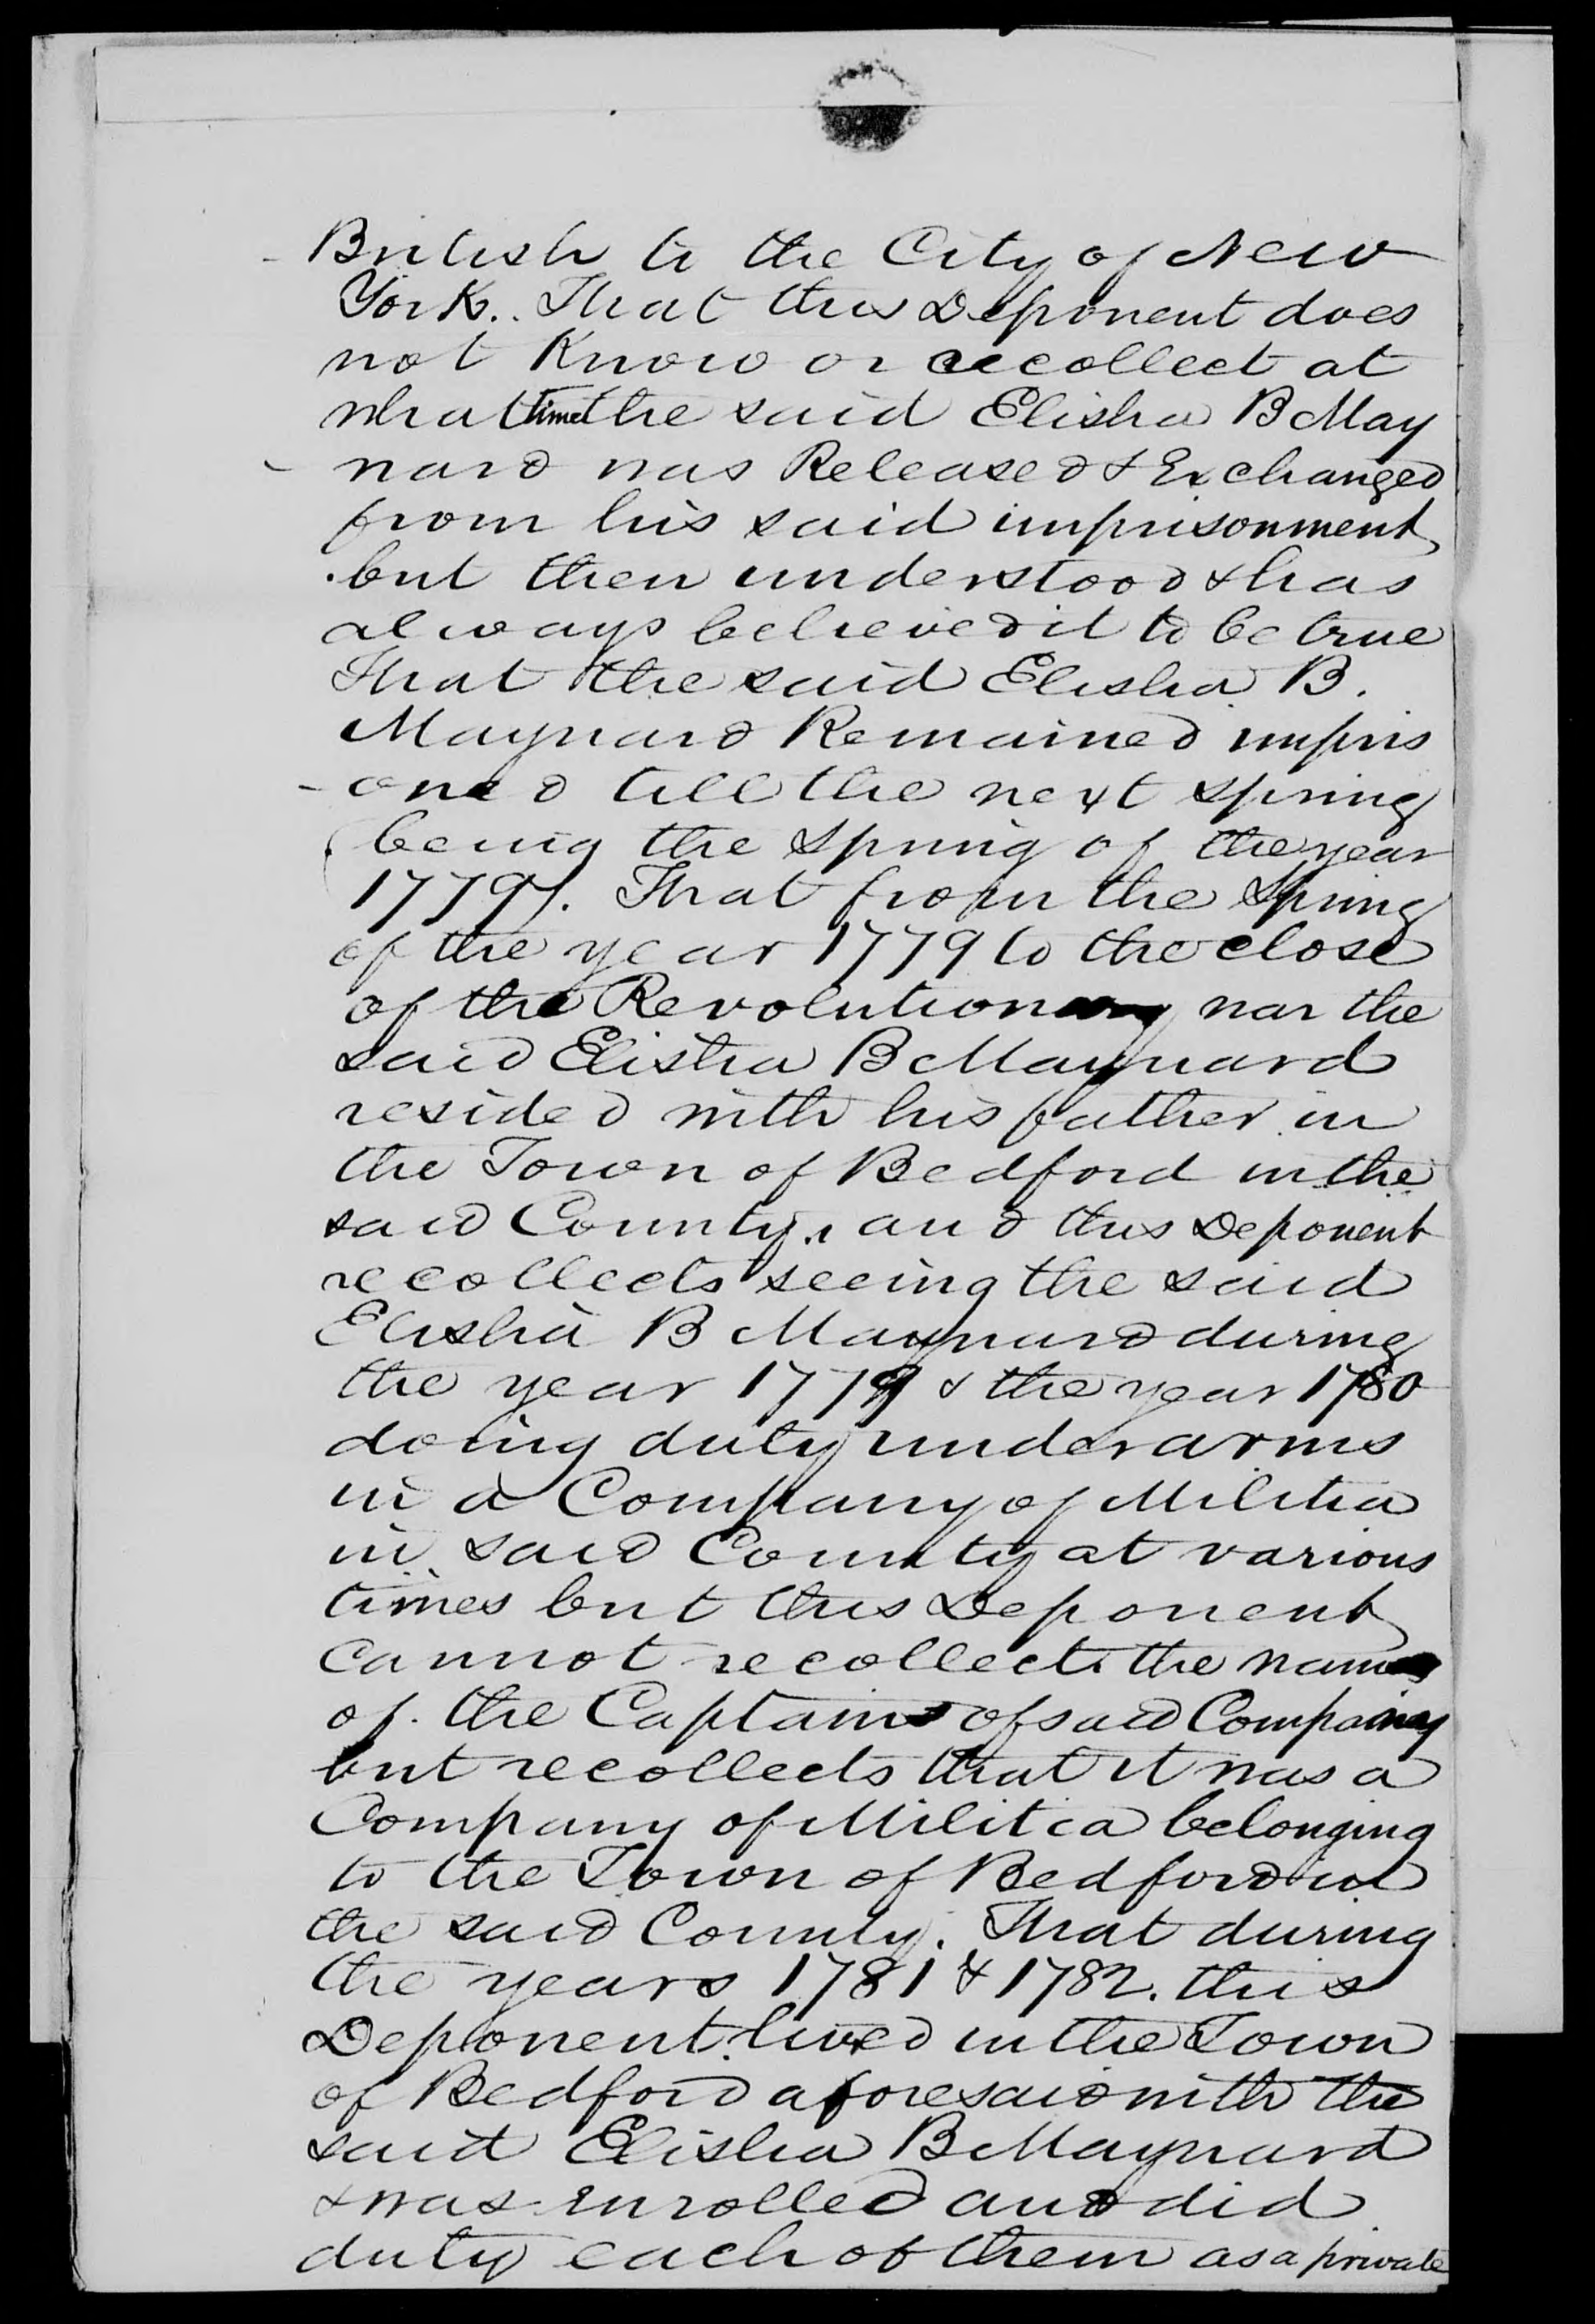British to the City of New York. That this Deponent does not know or recollect at what time the said Elisha B Maynard was released & Exchanged from his said imprisonment but then understood & has always believed it to be true That the said Elisha B Maynard Remained imprisoned till the next spring (being the spring of the year 1779). That from the Spring of the year 1779 to the close of the Revolutionary war the said Elisha B Maynard resided with his father in the Town of Bedford in the said County, and this Deponent recollects seeing the said Elisha B Maynard during the year 1779 & the year 1780 doing duty under arms in a Company of Militia in said County at various times but this Deponent cannot recollect the names of the Captains of said Company but recollects that it was a Company of Militia belonging to the Town of Bedford in the said County. That during the years 1781 & 1782, this Deponent lived in the Town of Bedford aforesaid with the said Elisha B Maynard & was enrolled and did duty each of them as a private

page: 31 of 33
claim: rejected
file: R. 7,063, for Elisha B Maynard, New York